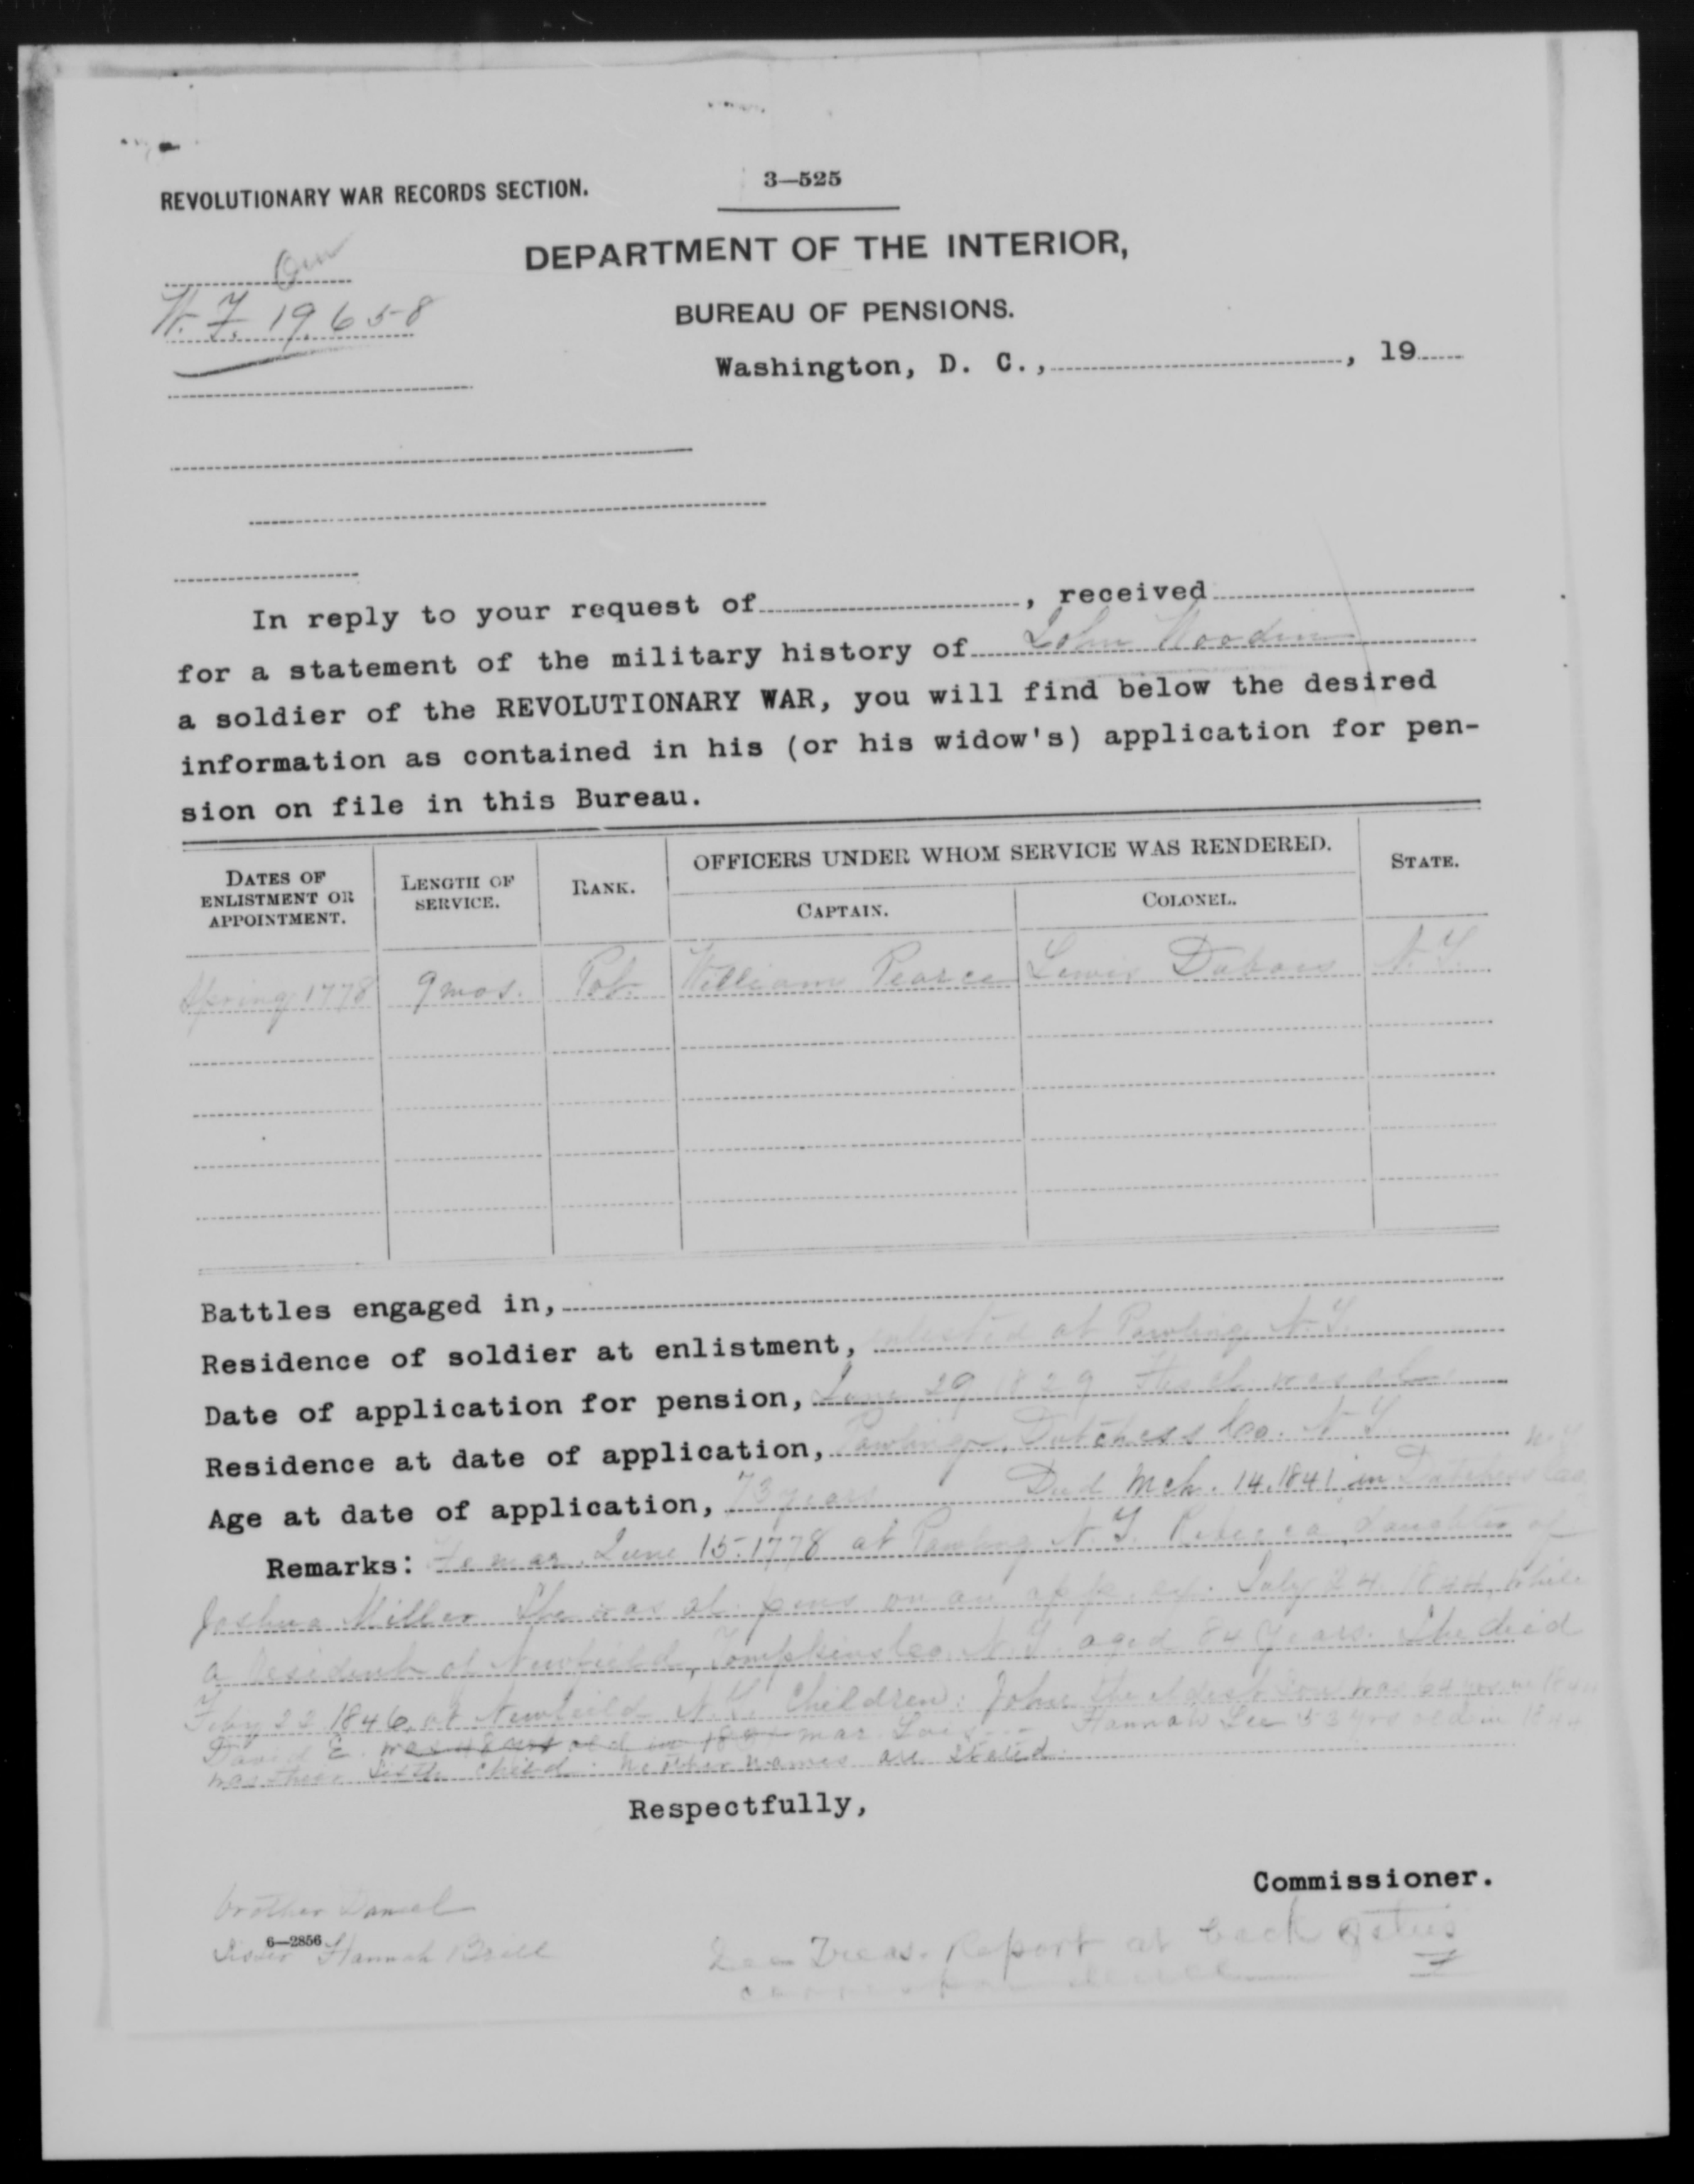REVOLUTIONARY WAR RECORDS SECTION. 3 -- 525 --- 
W.F. 19.658 
DEPARTMENT OF THE INTERIOR, 
BUREAU OF PENSIONS. 
Washington, D. C. 19 
In reply to your request of        , received       a statement of the military history of John Woodin a soldier of the REVOLUTIONARY WAR, you will find below the desired information as contained in his (or his widow's) application for pension file in this Bureau. 
DATES OF ENLISTMENT OR APPOINTMENT. Spring 1778 
LENGTH OF SERVICE. 9 mos 
RANK. Pvt. 
OFFICERS UNDER WHOM SERVICE WAS RENDERED. 
CAPTAIN. William Pearce 
COLONEL. Lewis DuBois 
STATE. NY
Battles engaged in, 
Residence of soldier at enlistment, enlisted at Pawling NY 
Date of application for pension, June 29, 1829 [illegible]
Residence at date of application, Pawling, Dutchess County NY
Age at date of application, 73 years Died Mch. 14.1841 in Dutchess Co NY
Remarks: He mar June 15, 1778 at Pawling NY Rebecca daughter of Joshua Miller  She was al pins on an app [illegible] July 24 1844 while a resident of Newfield, Tompkins Co. N.Y. aged 84 years. She died Feby 23, 1846 at Newfield NY Children: John the eldest son was 64 years from [illegible] David E. [was 48  years old in 183?, crossed out text] mar Lois   Hannah Lee 53 yrs old in 1846[?] was their sixth child  No other names are stated

Respectfully,
Commissioner.

brother Daniel 
[illegible] Hannah Brill

see Treas Report at back [illegible]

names: Lewis Dubois, Joshua Miller, John Woodin, William Pearce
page: 44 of 77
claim: widow's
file: W. 19658, John Woodin, New York